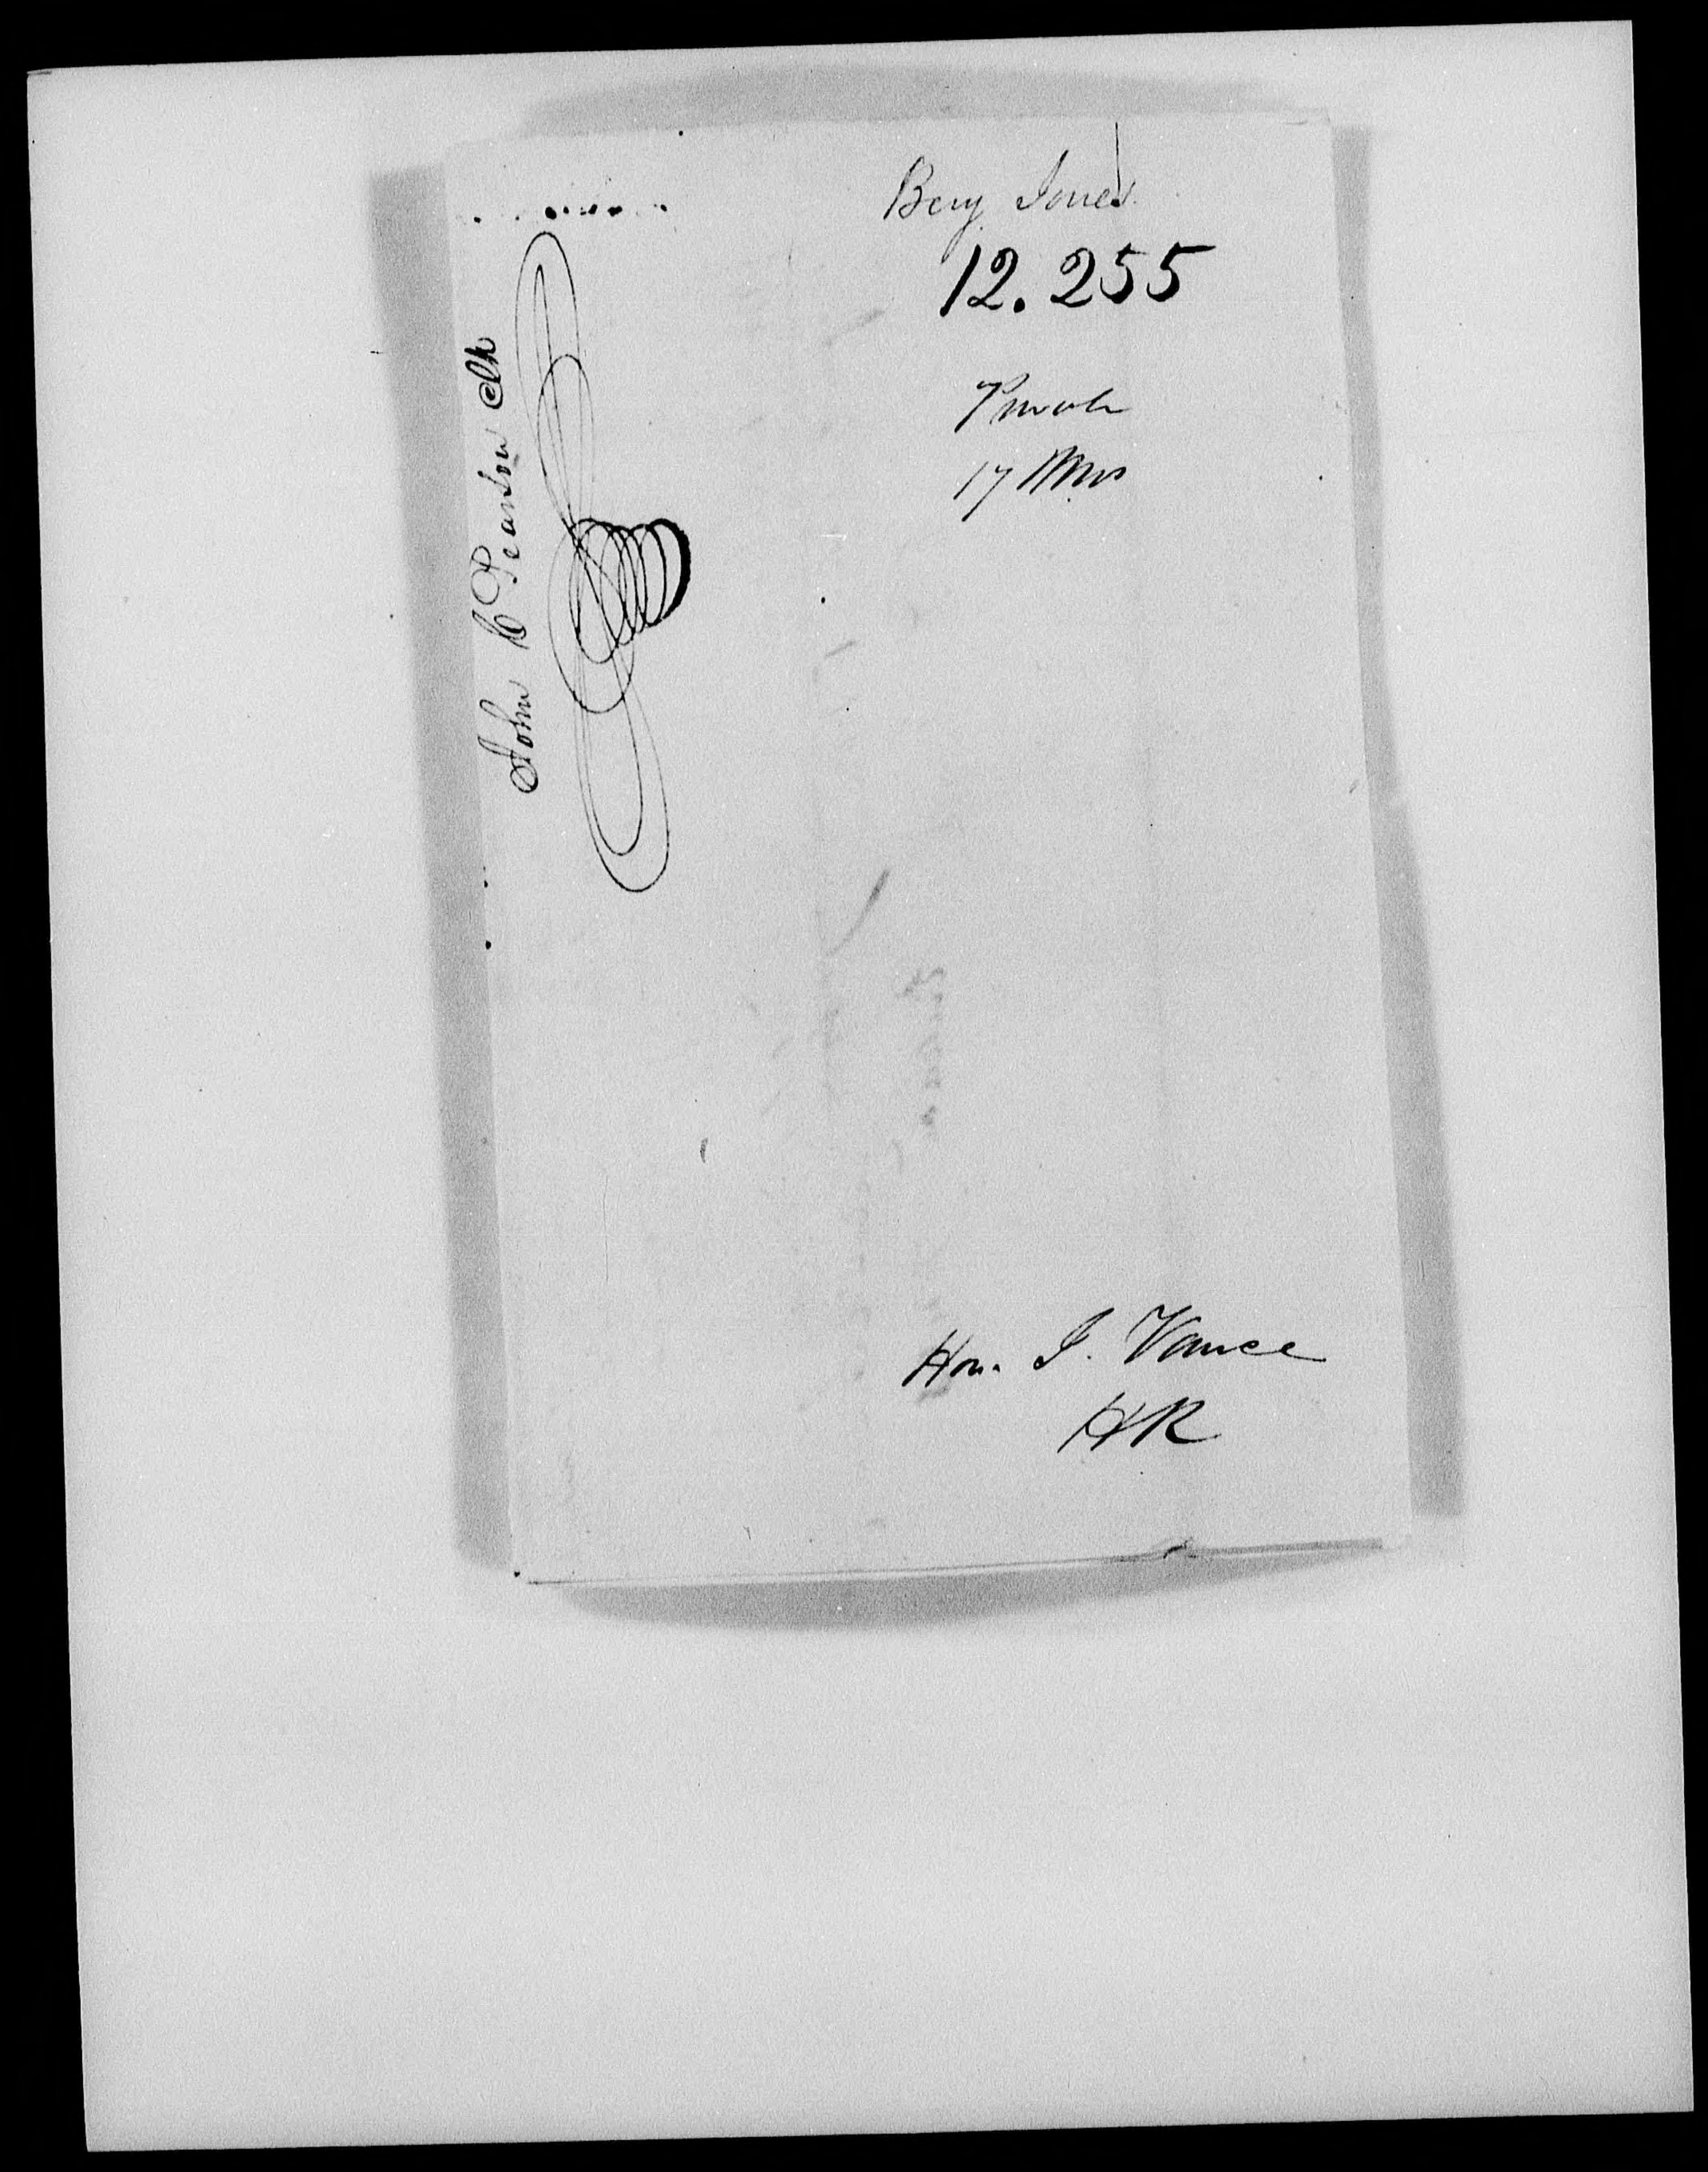Benj. Jones
12. 255
private
17 Mos.

John C. Pearson, Clerk
Hon J. Vance
H.R.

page: 3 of 10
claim: survivor's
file: S. 2295, for Benjamin Jones, New York